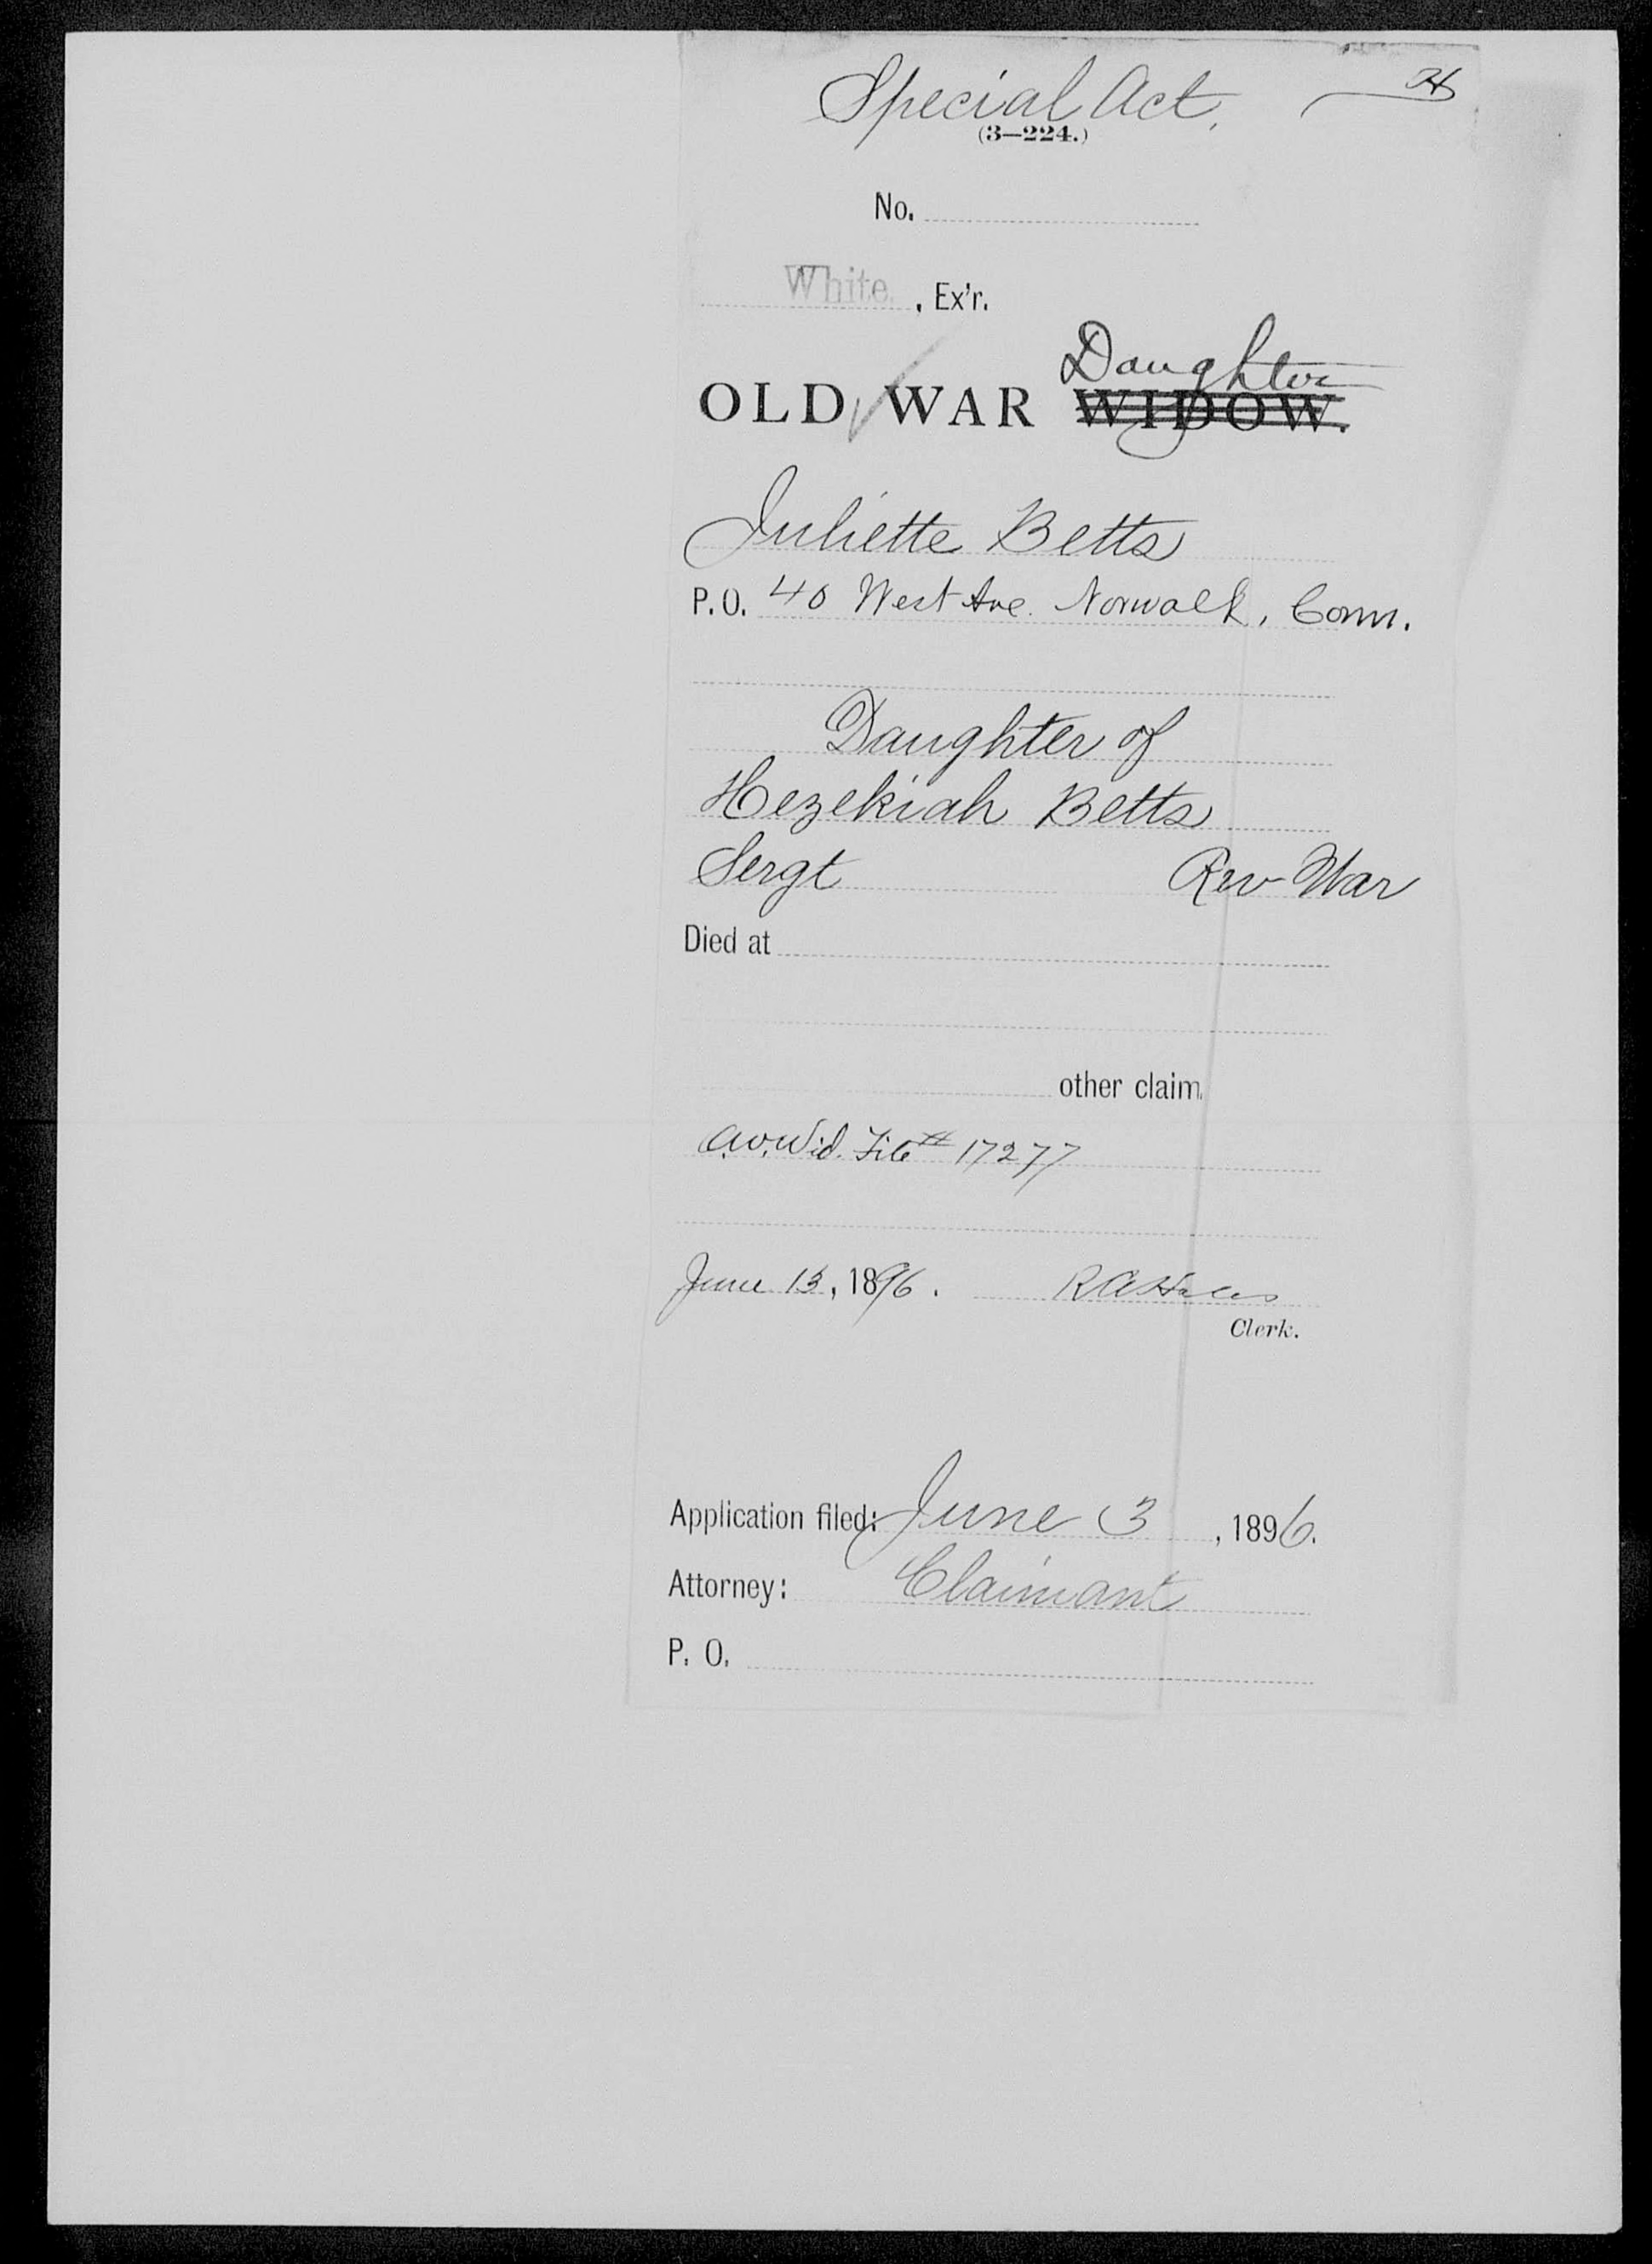Special Act
(3-224)
No.
White, Ex'r.
OLD WAR Daughter
Juliette Betts
P. O. 40 West Ave, Norwalk, Conn.

Daughter of 
Hezekiah Betts
Sergt      Rev War
Died at 

                             other claim.
a.v.eid. File # 17277
June 13, 1896, R A Hales Clerk

Application filed: June 3, 1896
Attorney: Claimant
P. O.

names: Hezekiah Betts, Juliette Betts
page: 21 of 61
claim: widow's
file: W. 29,929, Hezekiah Betts, Conn.